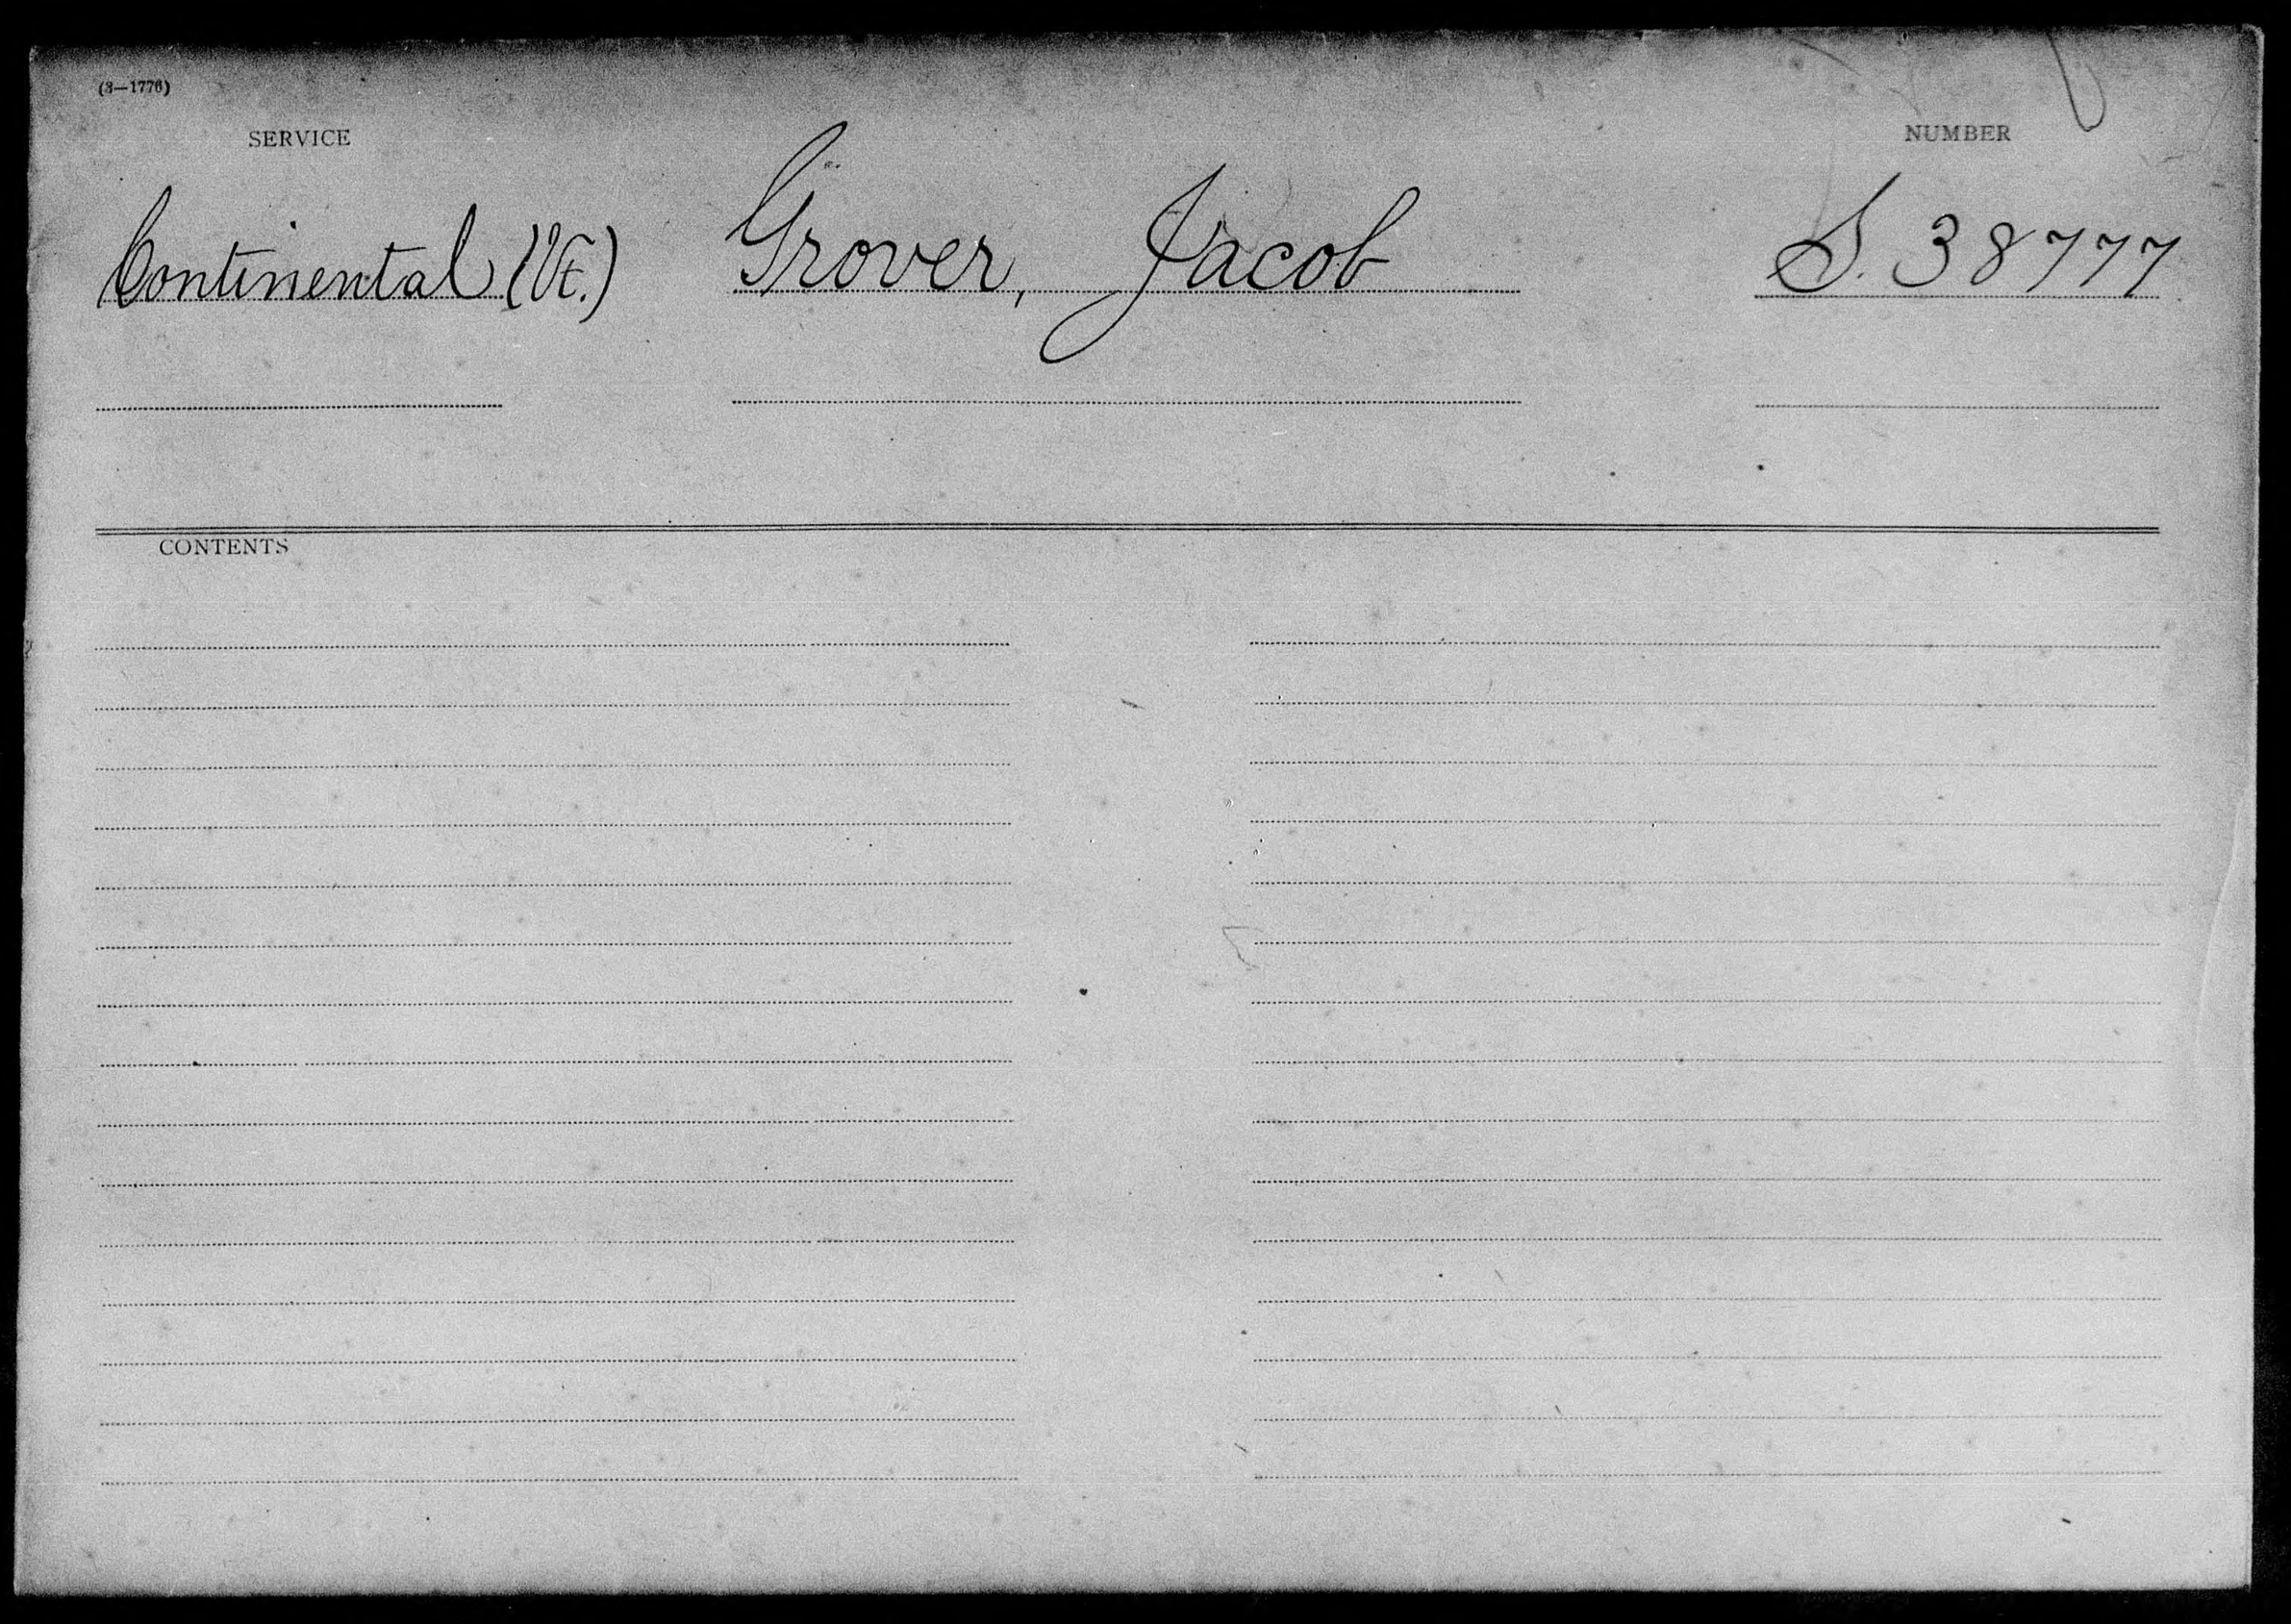Service                                          Number
Continental (Vt.)   Grover, Jacob   S38777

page: 1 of 22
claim: survivor's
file: S. 38777, Jacob Grover, Continental (Vt.)